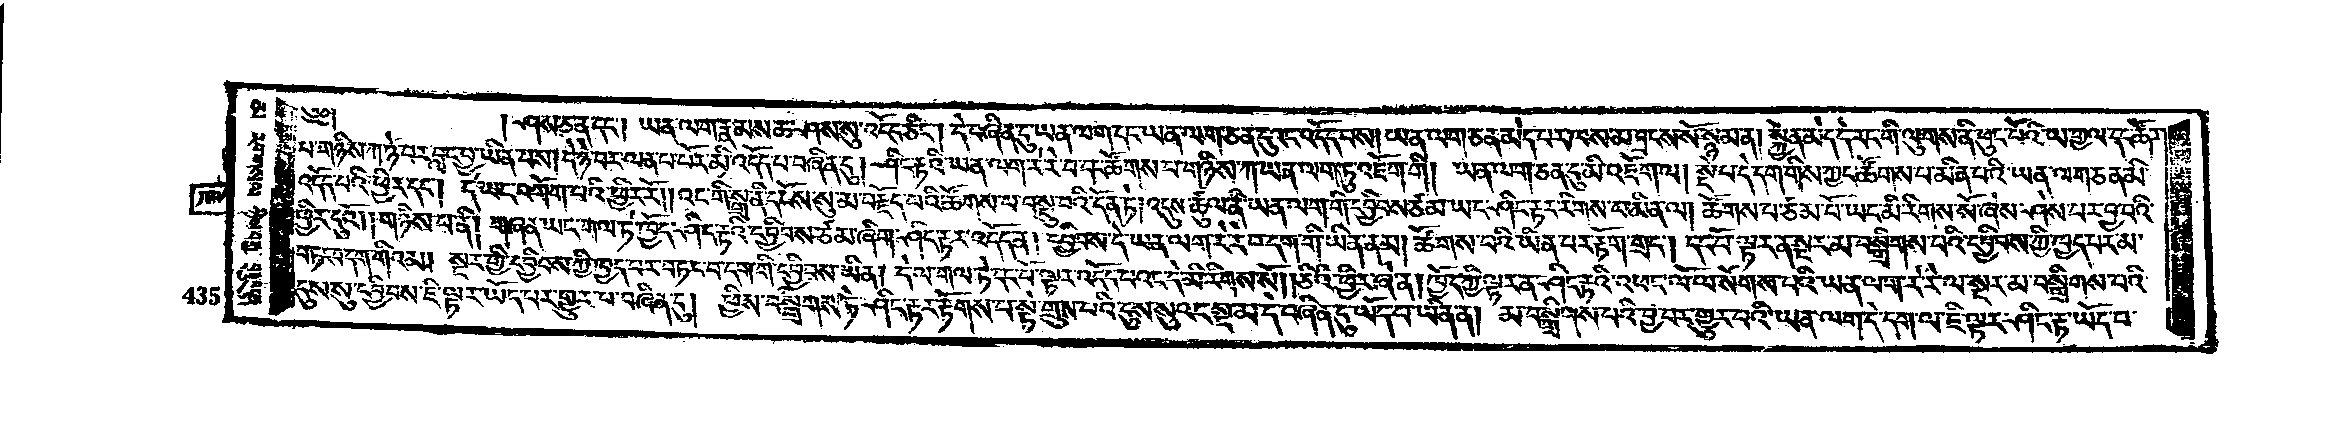༄༅། །ཤས་ཅན་དང་། ཡན་ལག་རྣམས་ཆ་ཤས་སུ་འདོད་ཅིང་། དེ་བཞིན་དུ་ཡན་ལག་དང་ཡན་ལག་ཅན་དུའང་འདོད་པས། ཡན་ལག་ཅན་མེད་པར་ཁས་མ་བླངས་སོ་སྙམ་ན། སྐྱོན་མེད་དེ་རང་གི་ལུགས་ནི་ཕུང་པོའི་ཡ་གྱལ་དང་ཚོགས་
པ་གཉིས་ཀ་ཉེ་བར་བླང་བྱ་ཡིན་པས། དེ་ཉེ་བར་ལེན་པ་པོར་མི་འདོད་པ་བཞིན་དུ། ཤིང་རྟའི་ཡན་ལག་རེ་རེ་བ་དང་ཚོགས་པ་གཉིས་ཀ་ཡན་ལག་ཏུ་འཇོག་གི ། ཡན་ལག་ཅན་དུ་མི་འཇོག་ལ། སྡེ་པ་དེ་དག་གིས་ཀྱང་ཚོགས་པ་མིན་པའི་ཡན་ལག་ཅན་མི་
འདོད་པའི་ཕྱིར་དང་། དེ་ཡང་འགོག་པའི་ཕྱིར་རོ། །འང་གི་སྒྲ་ནི་དངོས་སུ་མ་བརྗོད་པའི་ཚོགས་པ་བསྡུ་བའི་དོན་ཏེ། འདུས་ཚུལ་ནི་ཡན་ལག་གི་དབྱིབས་ཙམ་ཡང་ཤིང་རྟར་རིགས་པ་མིན་ལ། ཚོགས་པ་ཙམ་པོ་ཡང་མི་རིགས་སོ་ཞེས་ཤེས་པར་བྱ་བའི་
ཕྱིར་དུའོ། །གཉིས་པ་ནི། གཞན་ཡང་གལ་ཏེ་ཁྱོད་ཤིང་རྟའི་དབྱིབས་ཙམ་ཞིག་ཤིང་རྟར་འདོད་ན། དབྱིབས་དེ་ཡན་ལག་རེ་རེ་བ་དག་གི་ཡིན་ནམ། ཚོགས་པའི་ཡིན་པར་རྟོག་གྲང་། དང་པོ་ལྟར་ན་སྔར་མ་བསྒྲིགས་པའི་དབྱིབས་ཀྱི་ཁྱད་པར་མ་
བཏང་བ་དག་གིའམ། སྔར་གྱི་དབྱིབས་ཀྱི་ཁྱད་པར་བཏང་བ་དག་གི་དབྱིབས་ཡིན། དེ་ལ་གལ་ཏེ་དང་པོ་ལྟར་འདོད་པའང་དེ་མི་རིགས་སོ། །ཅིའི་ཕྱིར་ཞེ་ན། ཁྱོད་ཀྱི་ལྟར་ན་ཤིང་རྟའི་འཕང་ལོ་ལ་སོགས་པའི་ཡན་ལག་རེ་རེ་ལ་སྔར་མ་བསྒྲིགས་པའི་
དུས་སུ་དབྱིབས་ཇི་ལྟར་ཡོད་པར་གྱུར་པ་བཞིན་དུ། ཕྱིས་བསྒྲིགས་ཏེ་ཤིང་རྟར་རྟོགས་པ་སྟེ་གྲུབ་པའི་དུས་སུའང་སྔ་མ་དེ་བཞིན་དུ་ཡོད་པ་ཡིན་ན། མ་བསྒྲིགས་པའི་བྱི་བར་གྱུར་པའི་ཡན་ལག་དེ་དག་ལ་ཇི་ལྟར་ཤིང་རྟ་ཡོད་པ་